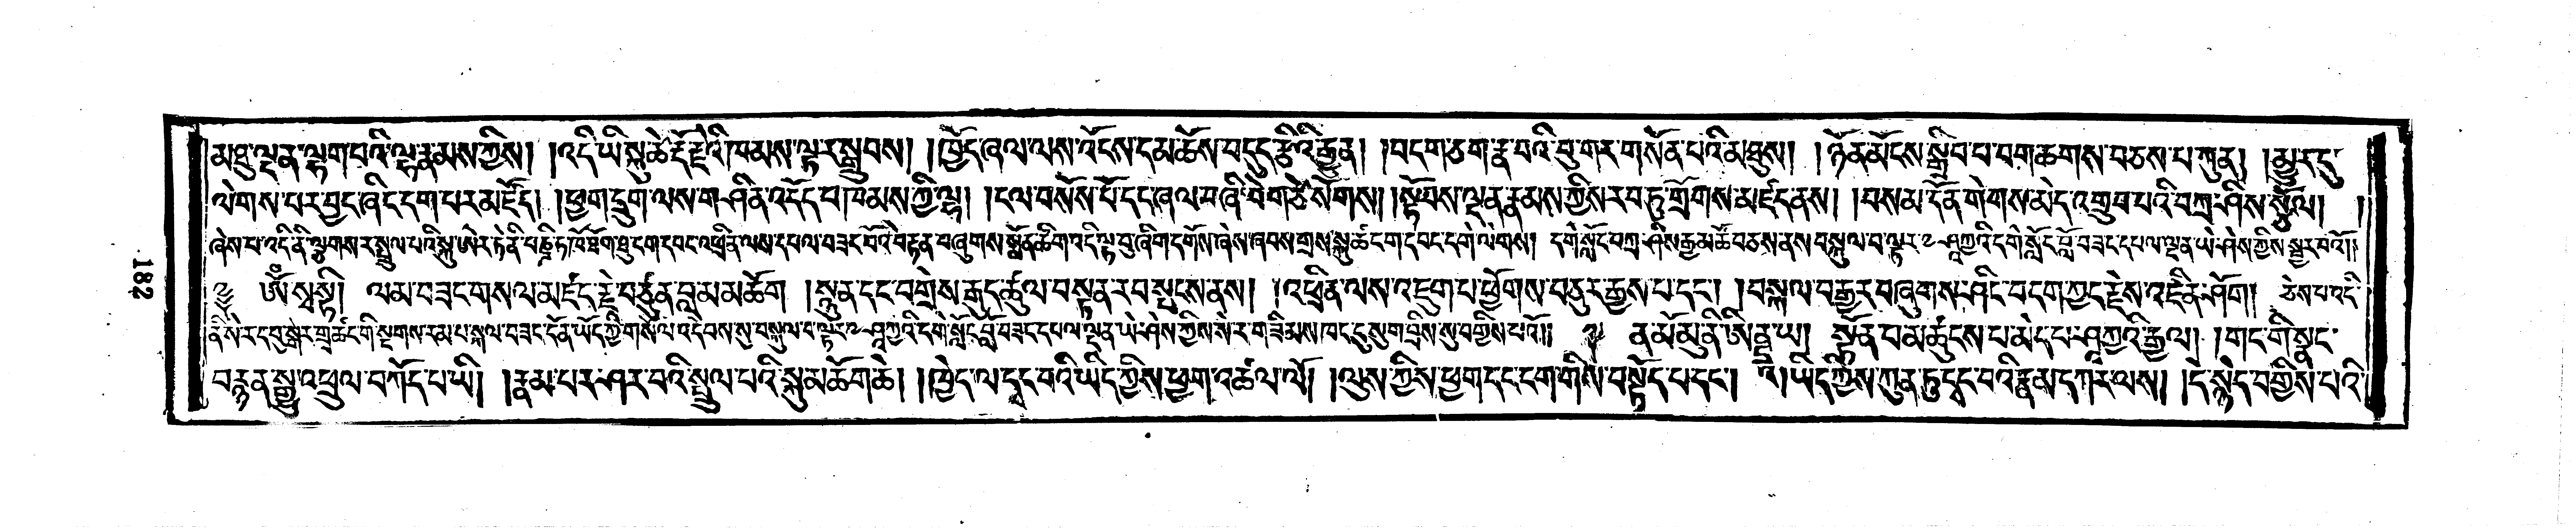མཐུ་ལྡན་ལྷག་པའི་ལྷ་རྣམས་ཀྱིས། །འདི་ཡི་སྐུ་ཚེ་རྡོ་རྗེའི་ཁམས་ལྟར་སྒྲུབས། །ཁྱོད་ཞལ་ལས་འོངས་དམ་ཆོས་བདུད་རྩིའི་རྒྱུན། །བདག་ཅག་རྣ་བའི་བུ་གར་གསོན་པའི་མཐུས། །ཉོན་མོངས་སྒྲིབ་པ་བག་ཆགས་བཅས་པ་ཀུན། །མྱུར་དུ་
ལེགས་པར་བྱང་ཞིང་དག་པར་མཛོད། །ཕྱག་དྲུག་ལས་གཤིན་འདོད་པ་ཁམས་ཀྱི་ལྷ། །ངལ་བསོས་པོ་དང་ཞལ་བཞི་བེ་གཙེ་སོགས། །སྟོབས་ལྡན་རྣམས་ཀྱིས་རབ་ཏུ་གྲོགས་མཛད་ནས། །བསམ་དོན་གེགས་མེད་འགྲུབ་པའི་བཀྲ་ཤིས་སྩོལ། །
ཞེས་པ་འདི་ནི་ལྕགས་ར་སྤྲུལ་པའི་སྐུ་ཨེར་ཏེ་ནི་པཎྜི་ཏ་ཁོ་ཐོག་ཐུ་ངག་དབང་འཕྲིན་ལས་དཔལ་བཟང་པོའི་བརྟན་བཞུགས་སྨོན་ཚིག་འདི་ལྟ་བུ་ཞིག་དགོས་ཞེས་ཞབས་གྲས་སྐུ་ཚང་ག་དབང་དགེ་ལེགས། དགེ་སློང་བཀྲ་ཤིས་རྒྱ་མཚོ་བཅས་ནས་བསྐུལ་བ་ལྟར་༧་ཤཱཀྱའི་དགེ་སློང་བློ་བཟང་དཔལ་ལྡན་ཡེ་ཤེས་ཀྱིས་སྦྱར་བའོ།།
༈ ཨོཾ་སྭསྟི། ལམ་བཟང་གསལ་མཛད་རྗེ་བཙུན་བླ་མ་མཆོག །སྙུན་དང་བགྲེས་རྒུད་ཚུལ་བསྟན་རབ་སྤངས་ནས། །འཕྲིན་ལས་འཇུག་པ་ཕྱོགས་བཅུར་རྒྱས་པ་དང་། །བསྐལ་བརྒྱར་བཞུགས་ཤིང་བདག་ཀྱང་རྗེས་འཛིན་ཤོག། ཅེས་པ་འདི་
ནི་སེར་ར་དབུ་སྒེར་གྲྭ་ཚང་གི་སྔགས་རམ་པ་བསྐལ་བཟང་དོན་ཡོད་ཀྱི་གསོལ་འདེབས་སུ་བསྐུལ་བ་ལྟར་༧་ཤཱཀྱའི་དགེ་སློང་བློ་བཟང་དཔལ་ལྡན་ཡེ་ཤེས་ཀྱིས་སེར་གཟིམས་ཁང་དུ་སུག་བྲིས་སུ་བགྱིས་པའོ།། ༈ ན་མོ་མུ་ནི་ཨིནྡྲཱ་ཡ། སྟོན་པ་མཚུངས་པ་མེད་པ་ཤཱཀྱའི་རྒྱལ། །གང་གི་སྣང་
བརྙན་སྒྱུ་འཕྲུལ་བཀོད་པ་ཡི། །རྣམ་པར་ཤར་བའི་སྤྲུལ་པའི་སྐུ་མཆོག་ཆེ། །ཁྱེད་ལ་དྭང་བའི་ཡིད་ཀྱིས་ཕྱག་འཚལ་ལོ། །ལུས་ཀྱིས་ཕྱག་དང་ངག་གིས་བསྟོད་པ་དང་། །ཡིད་ཀྱིས་ཀུན་ཏུ་དྭང་བའི་རྣམ་དཀར་ལས། །དེ་སྙེད་བགྱིས་པའི་